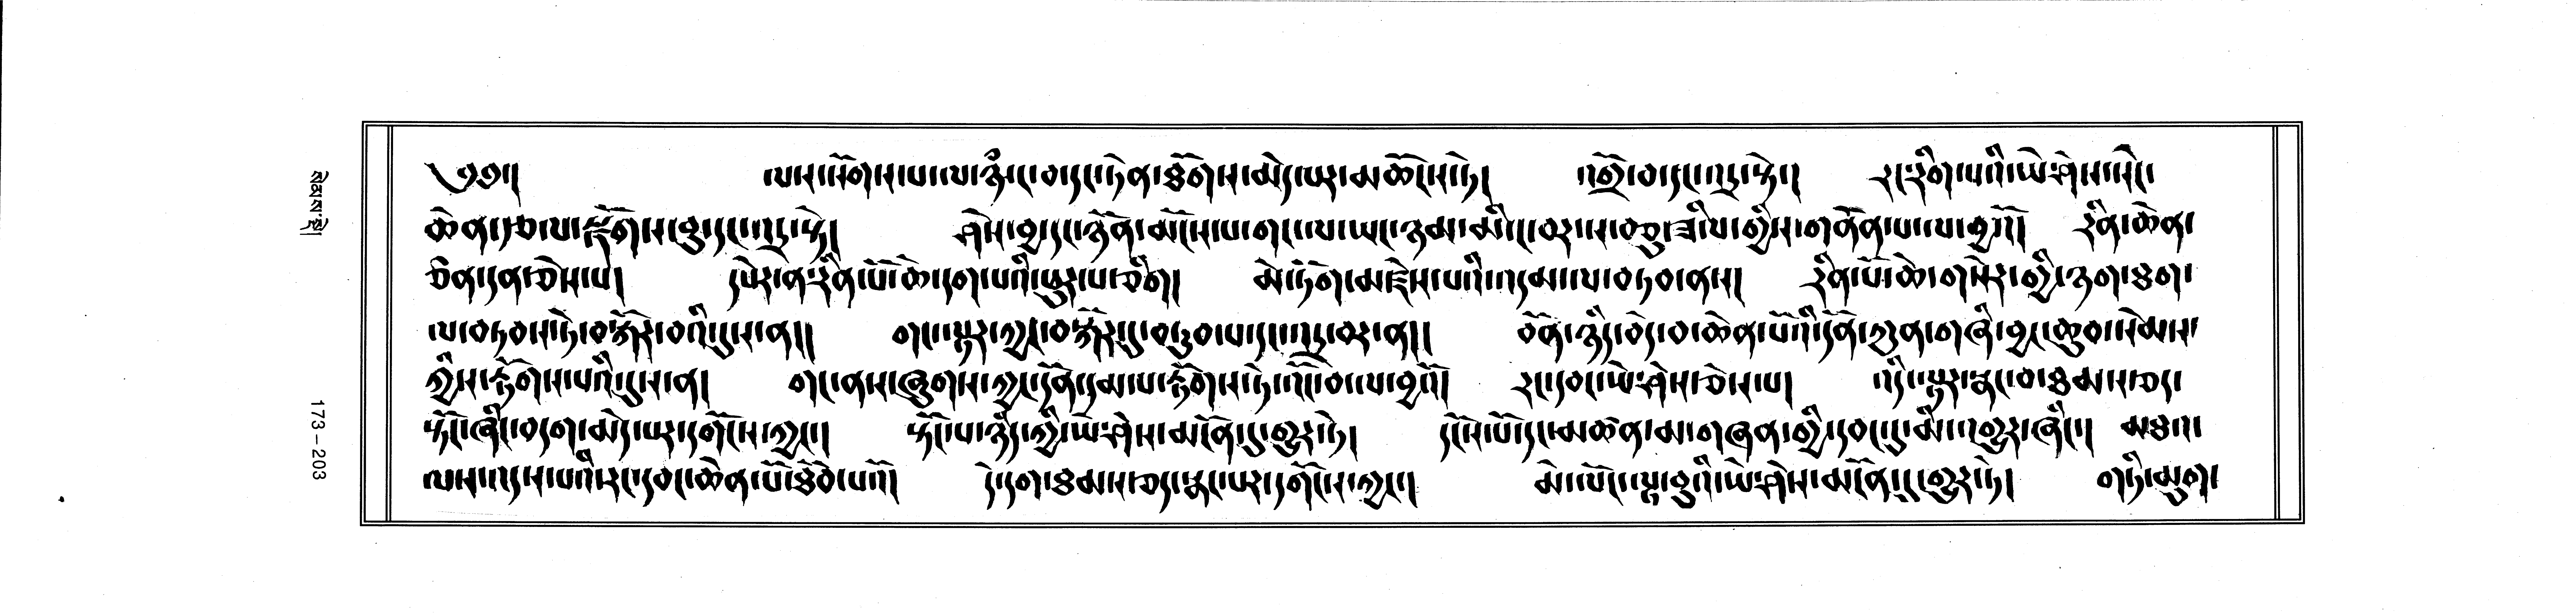ལ་སོགས་པ་ལ་ཉམ་ང་བ་དང་ཏེན་ཐོག་མེད་པར་མཆོངས་ཏེ། འགྲོ་བ་དང་འདྲ་སྟེ། རང་རིག་པའི་ཡེ་ཤེས་སེང་
ཆེན་རྩལ་རྫོགས་བུ་དང་འདྲ་སྟེ། ཤེས་བྱ་དང་ཉོན་མོངས་པ་གང་ལའང་ཉམ་མི་ང་བར། ས་བཅུ་ཟིལ་གྱིས་ནོན་པ་ལ་བྱའོ། །རིན་ཆེན་
ཙན་དན་ཅེས་པ། དཔེར་ན་རིན་པོ་ཆེ་དག་པའི་ཕུར་པ་ཅིག མེ་ཏོག་མཛེས་པའི་འདམ་ལ་བཏབ་ནས། རིན་པོ་ཆེ་གསེར་གྱི་ཉག་ཐག་
ལ་བཏབ་སྟེ་བསྐོར་བའི་དུས་ན། གང་ལྟར་ཀྱང་བསྐོར་དུ་བཏུབ་པ་དང་འདྲ་བར་ན། བོན་ཉིད་བདེ་བ་ཆེན་པོའི་དོན་ཀུན་གཞི་བྱང་ཆུབ་སེམས་
ཀྱིས་རྟོགས་པའི་དུས་ན། གང་ནས་ཞུགས་ཀྱང་དོན་དམ་པ་རྟོགས་ཏེ་འོང་བ་ལ་བྱའོ། །རང་དབང་ཡེ་ཤེས་ཅེས་པ། འདི་ལྟར་སྣང་བ་ཐམས་ཅད་
སྟོང་ཞིང་བདག་མེད་པར་དགོངས་ཀྱང་། སྟོང་པ་ཉིད་ཀྱི་ཡེ་ཤེས་མངོན་དུ་གྱུར་ཏེ། དངོས་པོ་དང་མཚན་མ་གཞན་གྱི་དབང་དུ་མི་འགྱུར་ཞིང་། མཐའ་
ལས་འདས་པའི་རང་དབང་ཆེན་པོ་ཐོབ་པའོ། །དེ་དག་ཐམས་ཅད་སྣང་བར་དགོངས་ཀྱང་། མེ་ལོང་ལྟ་བུའི་ཡེ་ཤེས་མངོན་དུ་གྱུར་ཏེ། གཏི་མུག་